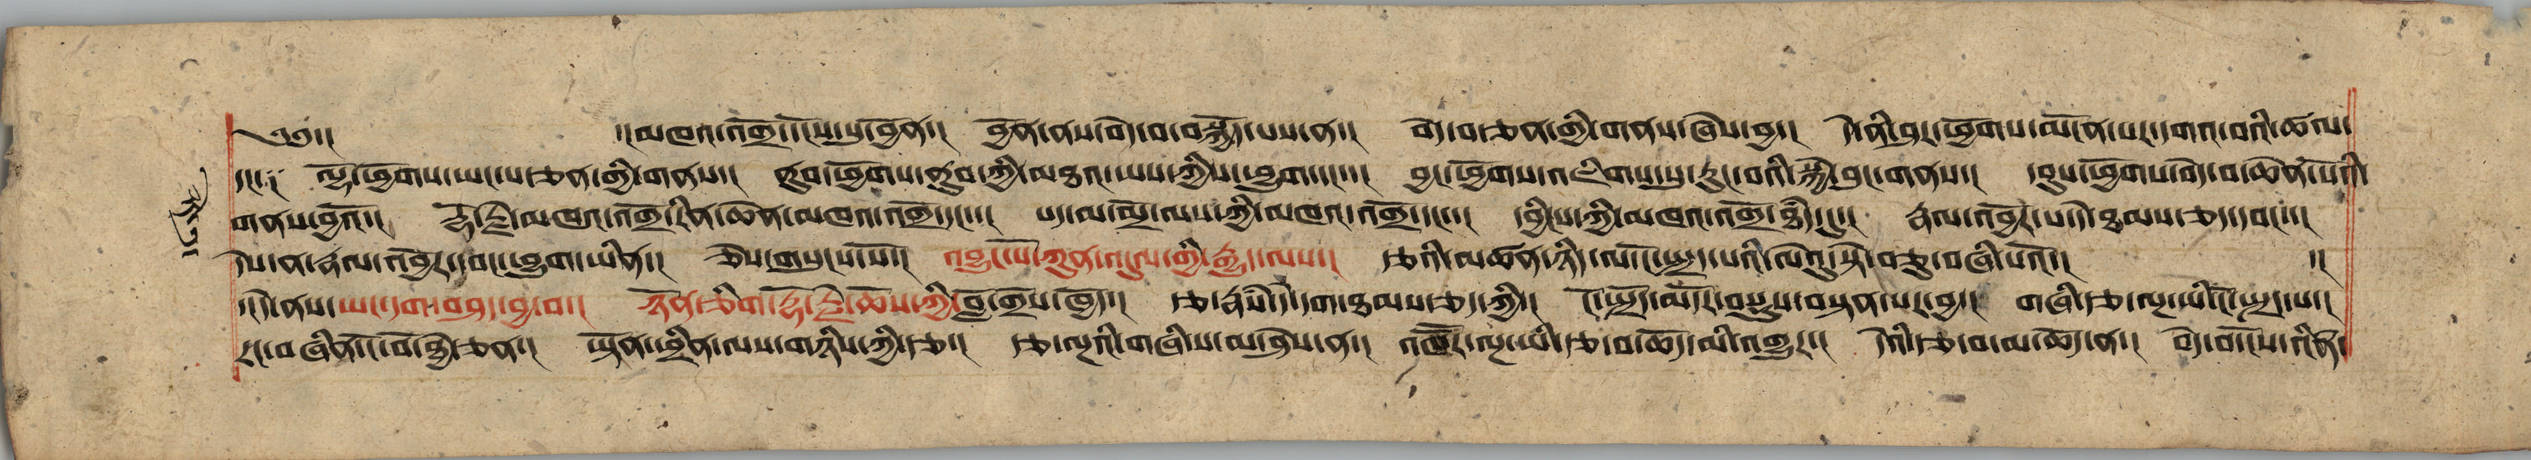༄༅་། ་།མཁའ་འགྲོ་དངོས་སུ་བྱོན་། བྱོན་ནས་བདེ་བ་བསྐྱོད་པས་ན་། བདེ་བ་ཅན་གྱི་གནས་ཞེས་བྱ་།། དེ་ནི་ཤར་ཕྱོགས་མངོན་པར་དགའ་བའི་ཚལ་
དང་༑ ལྷོ་ཕྱོགས་ཡང་པ་ཅན་གྱི་གནས་། ནུབ་ཕྱོགས་ནུབ་ཀྱི་མཐའ་ཡས་ཀྱིས་ཕྱུག་དང་་། བྱང་ཕྱོགས་འཇིགས་སུ་་རུང་བའི་སྐྱེ་བུང་གནས་། དབུས་ཕྱོགས་་བདེ་བ་ཆེན་པོའི་
གནས་བྱའོ་། རྡོ་རྗེ་མཁའ་འགྲོ་རིན་ཆེན་མཁའ་འགྲོ་དང་་། པད་མ་མྲོ་ལས་ཀྱི་མཁའ་འགྲོ་དང་་། དབྱིངས་ཀྱི་མཁའ་འགྲོ་ཐཾད་དུ་། རྣལ་འབྱོར་པ་དེ་ཐམས་ཅད་དབང་།
དེས་ན་རྣལ་འབྱོར་དབང་ཕྱུག་ཡིན་། ཅེས་གསུངས་སོ་། འབྱུང་པོ་ཀུན་འདུལ་གྱི་རྒྱུད་ལས་། རྩའི་མཚན་ཉིད་ལ་ངོ་སྤྲད་པའི་ལེའུ་སྟེ་བཅུ་བཞི་པའོ་། ་།
་།དེ་ནས་ཡང་དག་བཤད་བྱ་བ་། ཉོན་ཅིག་རྡོ་རྗེ་ཆོས་ཀྱི་བློ་གྲོས་ཁྱོད་། རྩ་རྣཾས་དེ་དག་ཐམས་ཅད་ཀྱི་། ངོ་སྤྲོད་མདོར་བསྡུས་བསྟན་པར་བྱ་། གཞི་རྩ་ལྔ་ཡི་ངོ་སྤྲད་པ་།
རང་བཞིན་ངོ་བོ་ཐྱེ་ཅན་། ཡྟོན་ཕྲིན་ལས་གཉིས་ཀྱི་རྩ་། རྩ་ལྔའི་གཞི་ས་མ་ཤེས་ན་། འཁཽར་ལྔ་ཡི་རྩ་བ་ཆོད་མི་འགྱུར་། དེའི་རྩ་བ་མ་ཆོད་ན་། བདེ་བ་ངོས་འཛིན་